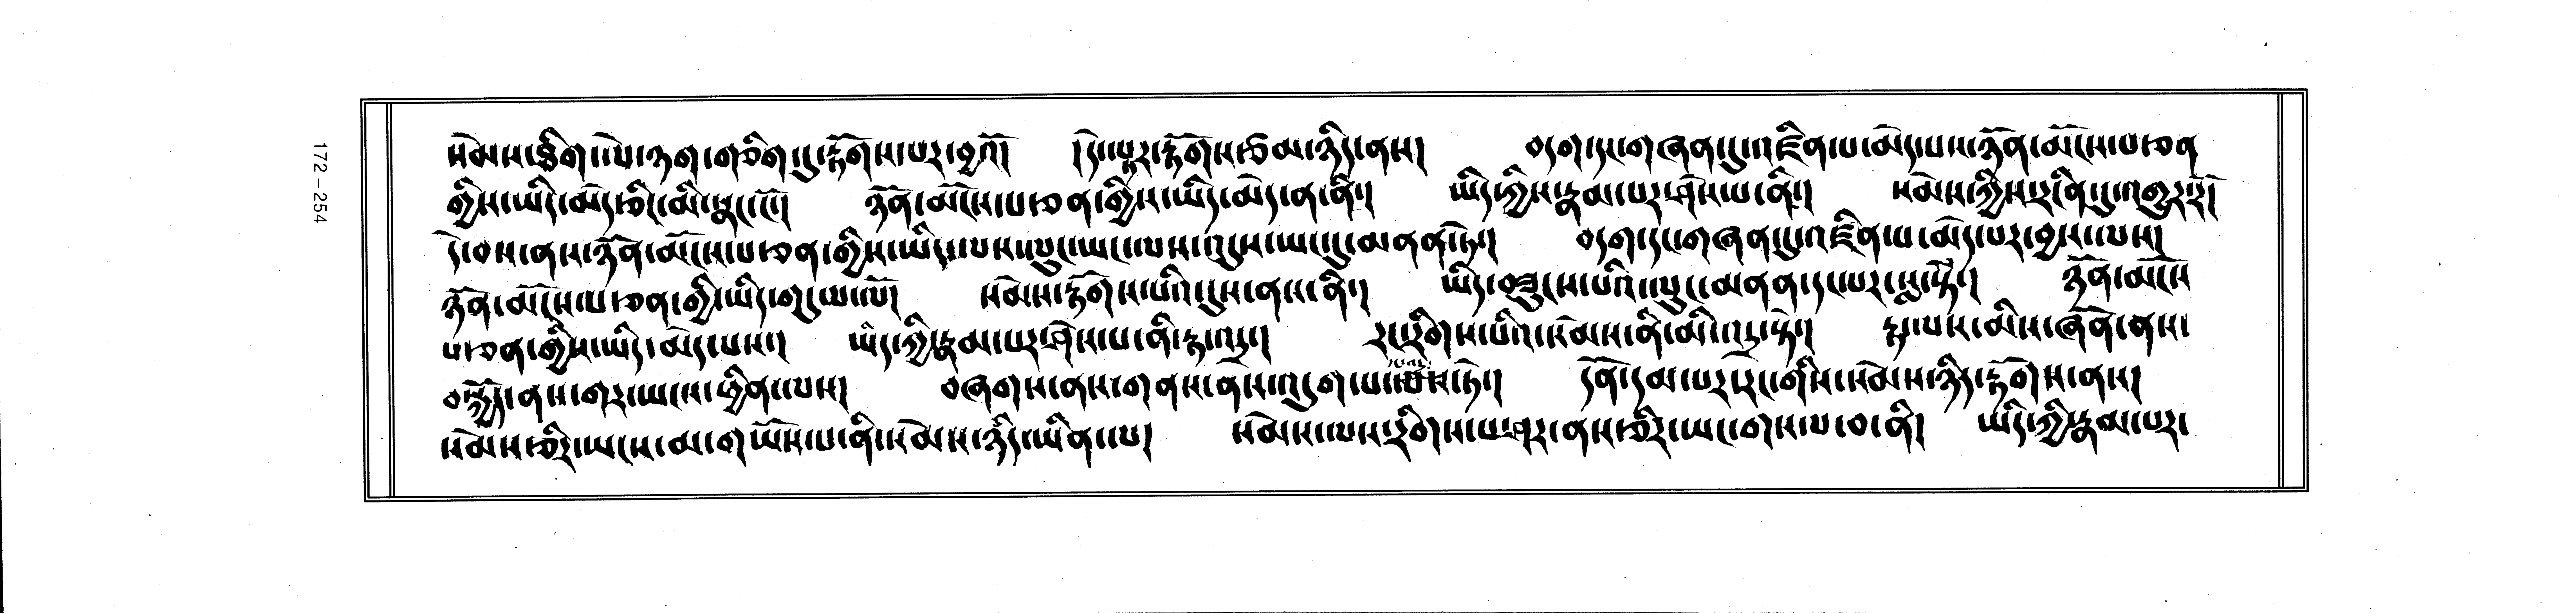ཐིག་ལེ་ཉག་གཅིག་དུ་རྟོགས་པར་བྱའོ། དེ་ལྟར་རྟོགས་ཙམ་ཉིད་ནས། བདག་དང་གཞན་དུ་འཛིན་པ་མེད་པས་ཉོན་མོངས་པ་ཅན་
གྱིས་ཡིད་མེད་ཅིང་མི་སྣང་ངོ་། ཉོན་མོངས་པ་ཅན་གྱིས་ཡིད་མེད་ན་ནི། ཡིད་ཀྱིས་རྣམ་པར་ཤེས་པ་ནི། སེམས་ཀྱིས་རང་བཞིན་དུ་འགྱུར་རོ། 
དེ་བས་ནས་ཉོན་མོངས་པ་ཅན་གྱིས་ཡིད་ལས་ལུང་ཡང་ལས་འདུས་ཡང་དུ་མནན་ཏེ། བདག་དང་གཞན་དུ་འཛིན་པ་མེད་པར་བྱས་ལས། 
ཉོན་མོངས་པ་ཅན་གྱིས་ཡིད་གདུལ་ལོ། སེམས་རྟོགས་པའི་དུས་ནས་ནི། ཡིད་བཟུང་པའི་ལུང་མནན་དང་པར་སླ་སྟེ། ཉོན་མོངས་
པ་ཅན་གྱིས་ཡིད་མེད་པས། ཡིད་ཀྱི་རྣམ་པར་ཤེས་པ་ནི་རྟ་འདྲ། རང་རིག་པའི་སེམས་ནི་མི་འདྲ་སྟེ། རྟ་ལས་མིས་ཞོན་ནས་
བསྐྱོད་ནས་གར་ཡང་ཕྱིན་ལས། བཞགས་ནས་གནས་ནས་འདུག་པ་དང་འདྲ་ཏེ། དོན་དམ་པར་རང་གིས་སེམས་ཉིད་རྟོགས་ནས། 
སེམས་ཅིར་ཡང་མ་གཡོས་པ་ནི་སེམས་ཉིད་ཡིན་ལ། སེམས་ལས་རིག་པ་ཤར་ནས་ཅིར་ཡང་གསལ་བ་ནི། ཡིད་ཀྱི་རྣམ་པར་